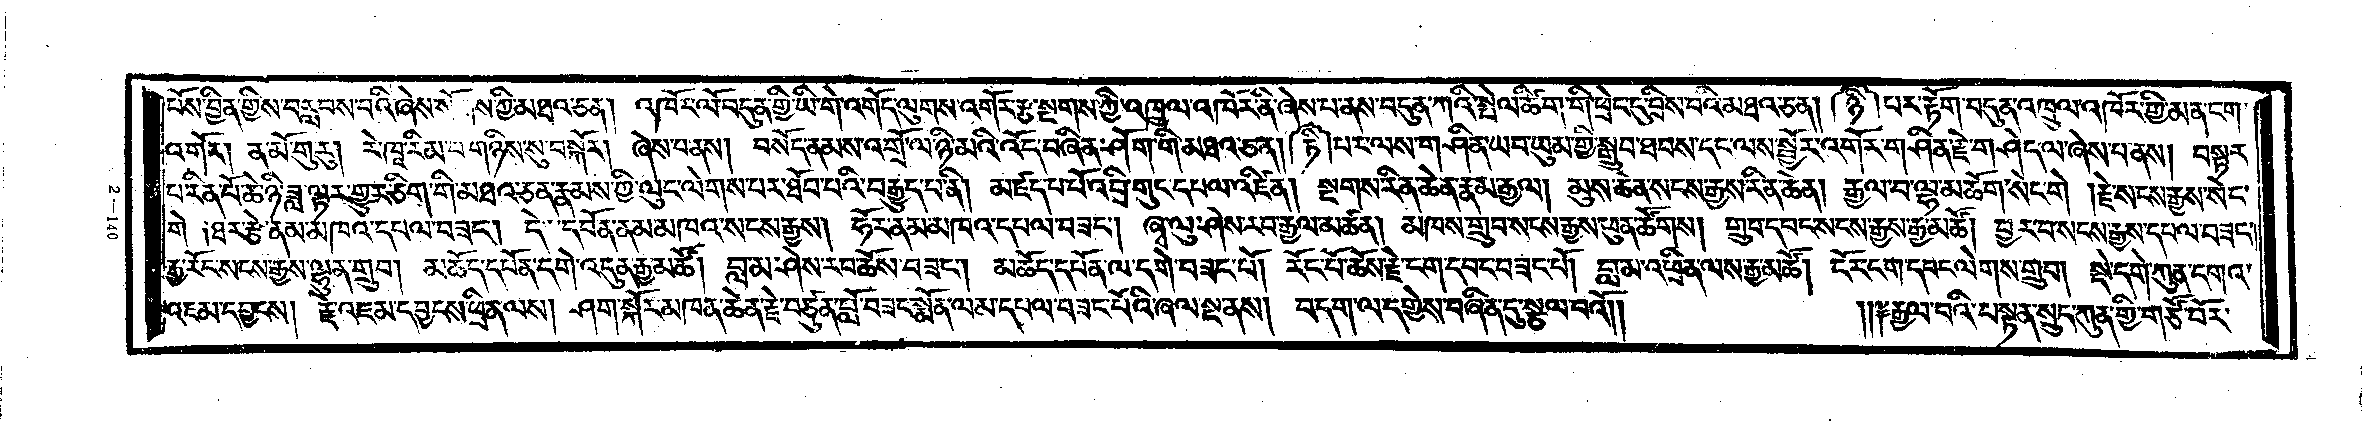པོས་བྱིན་གྱིས་བརླབས་པའི་ཞེས་སོགས་ཀྱི་མཐའ་ཅན། འཁོར་ལོ་བདུན་གྱི་ཡི་གེ་འགོད་ལུགས་འགོར་རྩ་སྔགས་ཀྱི་འཁྲུལ་འཁོར་ནི་ཞེས་པ་ནས་བདུན་ཀའི་སྤེལ་ཚིག་གི་ཕྲེང་དུ་བྲིས་པའི་མཐའ་ཅན། ༼ཉི༽ པར་རྟོག་བདུན་འཁྲུལ་འཁོར་གྱི་མན་ངག་
འགོར། ན་མོ་གུ་རུ། རེ་ཁཱ་རིམ་པ་གཉིས་སུ་བསྐོར། ཞེས་པ་ནས། བསོད་ནམས་འགྲོ་ལ་ཉི་མའི་འོད་བཞིན་ཤོག་གི་མཐའ་ཅན། ༼ཏི༽ པར་ལས་གཤིན་ཡབ་ཡུམ་གྱི་སྒྲུབ་ཐབས་དང་ལས་སྦྱོར་འགོར་གཤིན་རྗེ་གཤེད་ལ་ཞེས་པ་ནས། བསྟར་
པ་རིན་པོ་ཆེ་ཉི་ཟླ་ལྟར་གྱུར་ཅིག་གི་མཐའ་ཅན་རྣམས་ཀྱི་ལུང་ལེགས་པར་ཐོབ་པའི་བརྒྱུད་པ་ནི། མཛད་པ་པོ་འབྲི་གུང་དཔལ་འཛིན། སྔགས་རིན་ཆེན་རྣམ་རྒྱལ། མུས་ཆེན་སངས་རྒྱས་རིན་ཆེན། རྒྱལ་བ་ལྷ་མཆོག་སེང་གེ །རྗེ་སངས་རྒྱས་སེང་
གེ། ཐར་རྩེ་ནམ་མཁའ་དཔལ་བཟང་། དེ་དབོན་ནམ་མཁའ་སངས་རྒྱས། ཧོར་ནམ་མཁའ་དཔལ་བཟང་། ཞྭ་ལུ་ཤེས་རབ་རྒྱལ་མཚན། མཁས་གྲུབ་སངས་རྒྱས་ཕུན་ཚོགས། གྲུབ་དབང་སངས་རྒྱས་རྒྱ་མཚོ། བྱར་བ་སངས་རྒྱས་དཔལ་བཟང་།
རྒྱ་རོང་སངས་རྒྱས་ལྷུན་གྲུབ། མཆོད་དཔོན་དགེ་འདུན་རྒྱ་མཚོ། བླ་མ་ཤེས་རབ་ཆོས་བཟང་། མཆོད་དཔོན་ལ་དགེ་བཟང་པོ། རོང་པོ་ཆོས་རྗེ་ངག་དབང་བཟང་པོ། བླ་མ་འཕྲིན་ལས་རྒྱ་མཚོ། ངོར་ངག་དབང་ལེགས་གྲུབ། སྡེ་དགེ་ཀུན་དགའ་
འཇམ་དབྱངས། རྗེ་འཇམ་དབྱངས་ཕྲིན་ལས། ཤག་སྐོར་མཁན་ཆེན་རྗེ་བཙུན་བློ་བཟང་སྨོན་ལམ་དཔལ་བཟང་པོའི་ཞལ་སྔ་ནས། བདག་ལ་དགྱེས་བཞིན་དུ་སྩལ་བའོ།། །། ༈ རྒྱལ་བའི་པ་སྟན་སྲུང་ཀུན་གྱི་གཙོ་བོ་